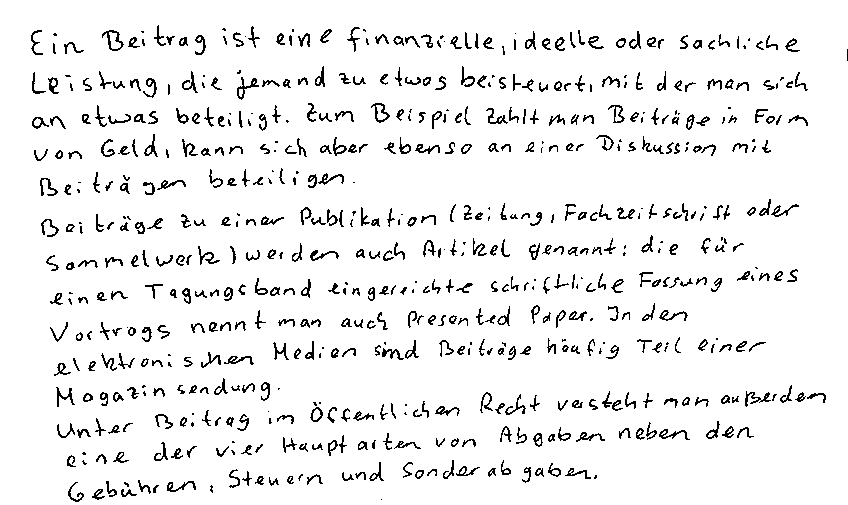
Ein Beitrag ist eine finanzielle, ideelle oder sachliche
Leistung, die jemand zu etwas beisteuert, mit der man sich
an etwas beteiligt. Zum Beispiel zahlt man Beiträge in Form
von Geld, kann sich aber ebenso an einer Diskussion mit
eiträgen beteiligen.
Beiträge zu einer Publikation (Zeitung, Fachzeitschrift oder
Sammelwerk) werden auch Artikel genannt; die für
einen Tagungsband eingereichte schriftliche Fassung eines
Vortrags nennt man auch Presented Paper. In den
lektronischen Medien sind Beiträge häufig Teil einer
Magazinsendung.
Unter Beitrag im Öffentlichen Recht versteht man außerdem
eine der vier Hauptarten von Abgaben neben den
Gebühren, Steuern und Sonderabgaben.
